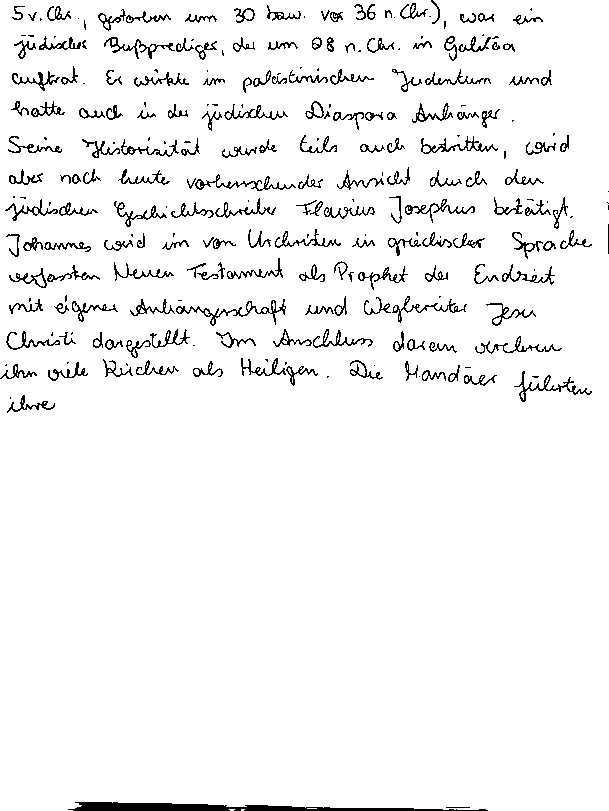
5 v. Chr. gestorben um 30 bzw. vor 36 n Chr.), war ein
jüdischer Bußprediger, der um 28 n. Chr. in Galiläa
auftrat. Er wirkte im palästinischen Judentum und
hatte auch in der jüdischen Diaspora Anhänger.
Seine Historizität wurde teils auch bestritten, wird
aber nach heute vorherrschender Ansicht durch den
jüdischen Geschichtsschreiber Flavius Josephus bestätigt.
Johannes wird im von Urchristen in griechischer Sprache
verfassten Neuen Testament als Prophet der Endzeit
mit eigener Anhängerschaft und Wegbereiter Jesu
Christi dargestellt. Im Anschluss daran verehren
ihn viele Kirchen als Heiligen. Die Mandäer führten
